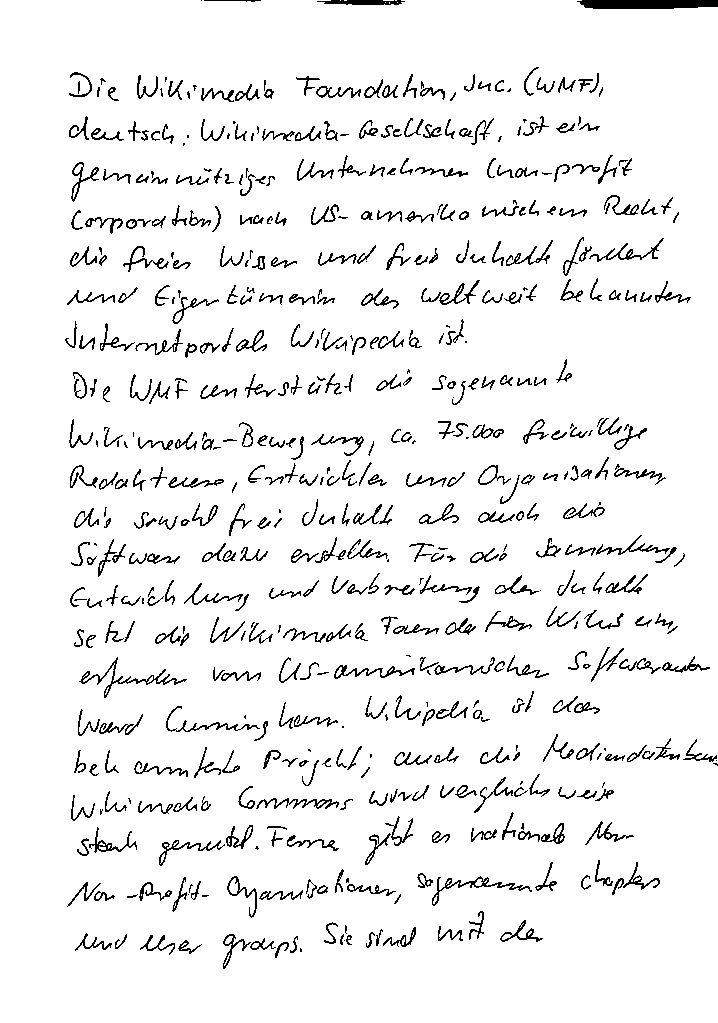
Die Wikimedia Foundation, Inc. (WMF),
deutsch: Wikimedia-Gesellschaft, ist ein
gemeinnütziges Unternehmen (non-profit
corporation) nach US-amerikanischem Recht,
die freies Wissen und freie Inhalte fördert
und Eigentümerin des weltweit bekannten
Internetportals Wikipedia ist.
Die WMF unterstützt die sogenannte
Wikimedia-Bewegung, ca. 75.000 freiwillige
Redakteure, Entwickler und Organisationen,
die sowohl freie Inhalte als auch die
Software dazu erstellen. Für die Sammlung,
Entwicklung und Verbreitung der Inhalte
setzt die Wikimedia Foundation Wikis ein,
erfunden vom US-amerikanischen Softwareautor
Ward Cunningham. Wikipedia ist das
bekannteste Projekt; auch die Mediendatenbank
Wikimedia Commons wird vergleichsweise
stark genutzt.Ferner gibt es nationale Non-
Non-Profit-Organisationen, sogenannte chapters
und user groups. Sie sind mit der
